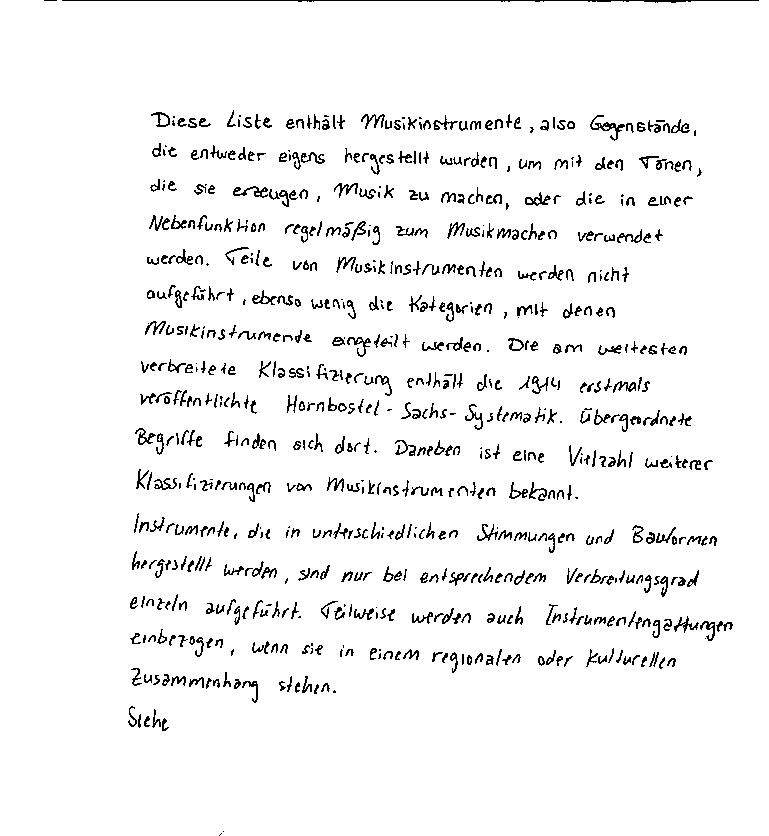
Diese Liste enthält Musikinstrumente. also Gegenstände,
die entweder eigens hergestellt wurden, um mit den Tönen,
die sie erzeugen, musik zu machen, oder die in einer
Nebenfunktion regelmäßig zum Musikmachen verwendet
werden. Teile von Musikinstrumenten werden nicht
aufgeführt ebenso wenig die Kategorien, mit denen
Musikinstrumente eingeteilt werden. Die am weiteren
verbreitete Klassifizierung enthält die 1914 erstmals
veröffentlichte Hornbostel- Sachs- Systematik. Übergeordnete
Begriffe finden sich dort. Daneben ist eine Vielzahl weiterer
Klassifizierungen von Musikinstrumenten bekannt.
Instrumente, die in unterschiedlichen Stimmungen und Bauformen
hergestellt werden, sind nur bei entsprechendem Verbreitungsgrad
einzeln aufgeführt. Teilweise werden auch Instrumentengattungen
einbezogen, wenn sie in einem regionalen oder kulturellen
Zusammenhang stehen.
Siehe
